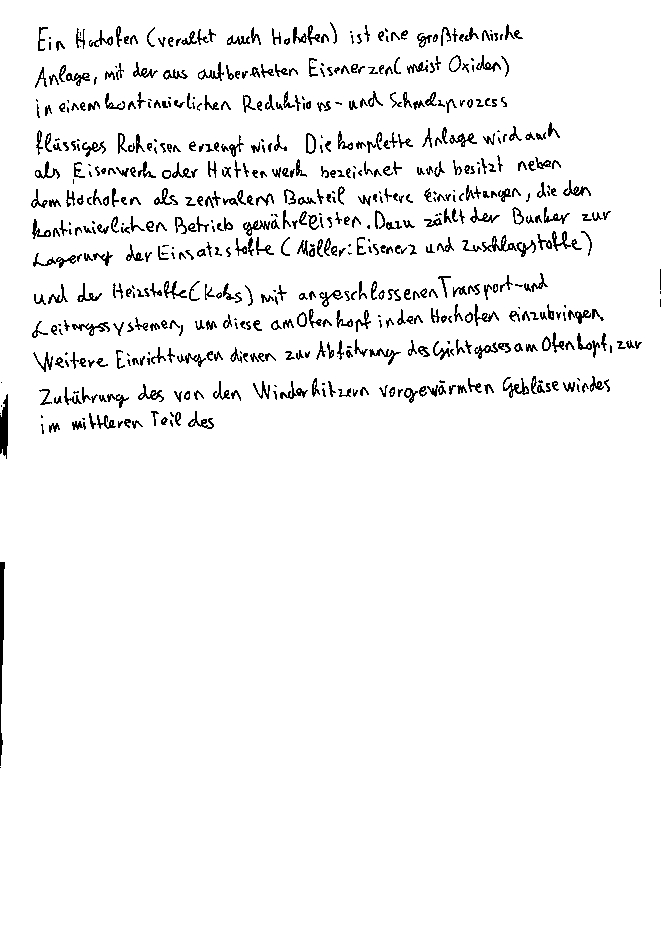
Ein Hochofen (veraltet auch Hohofen) ist eine großtechnische
Anlage, mit der aus aufbereiteten Eisenerzen (meist Oxiden)
in einem kontinuierlichen Reduktions- und Schmelzprozess
flüssiges Roheisen erzeugt wird. Die komplette Anlage wird auch
als Eisenwerk oder Hüttenwerk bezeichnet und besitzt neben
dem Hochofen als zentralem Bauteil weitere Einrichtungen, die den
kontinuierlichen Betrieb gewährleisten. Dazu zählt der Bunker zur
Lagerung der Einsatzstoffe (Möller: Eisenerz und Zuschlagstoffe)
und der Heizstoffe (Koks) mit angeschlossenen Transport- und
Leitungssystemen, um diese am Ofenkopf in den Hochofen einzubringen.
Weitere Einrichtungen dienen zur Abführung des Gichtgases am Ofenkopf, zur
Zuführung des von den Winderhitzern vorgewärmten Gebläsewindes
im mittleren Teil des
